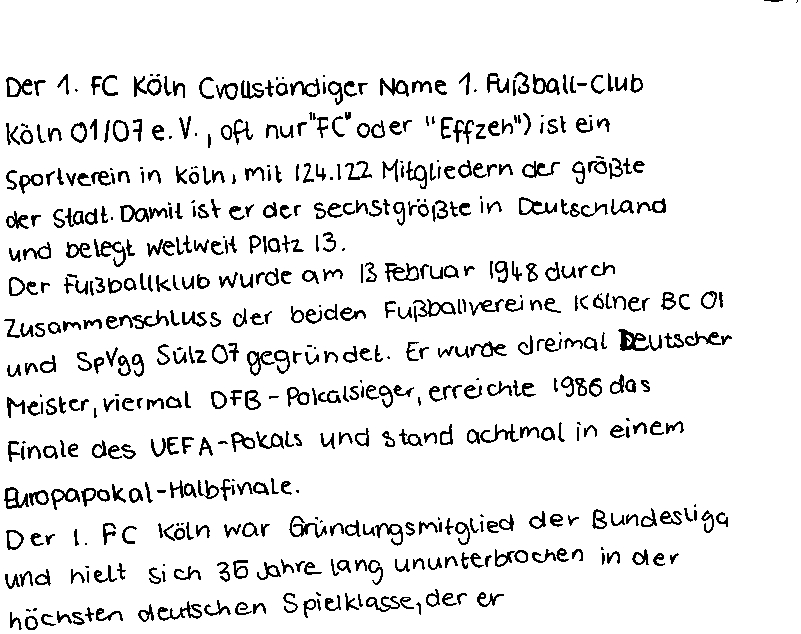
Der 1. FC Köln (vollständiger Name 1. Fußball-Club
Köln 01/07 e. V., oft nur "FC" Oder "Effzeh")ist ein
Sportverein in Köln, mit 124.122 Mitgliedern der größte
der Stadt. Damit ist er der sechstgrößte in Deutschland
und belegt weltweit Platz 13.
Der Fußballklub wurde am 13. Februar 1948 durch
Zusammenschluss der beiden Fußballvereine Kölner BC01
und SpVgg Sülz 07 gegründet. Er wurde dreimal Deutscher
Meister, viermal DFB-Pokalsieger, erreichte 1986 das
Finale des UEFA-Pokals und stand achtmal in einem
Europapokal-Halbfinale.
Der 1. FC Köln war Gründungsmitglied der Bundesliga
und hielt Sich 35 Jahre lang ununterbrochen in der
höchsten deutschen Spielklasse, der er
